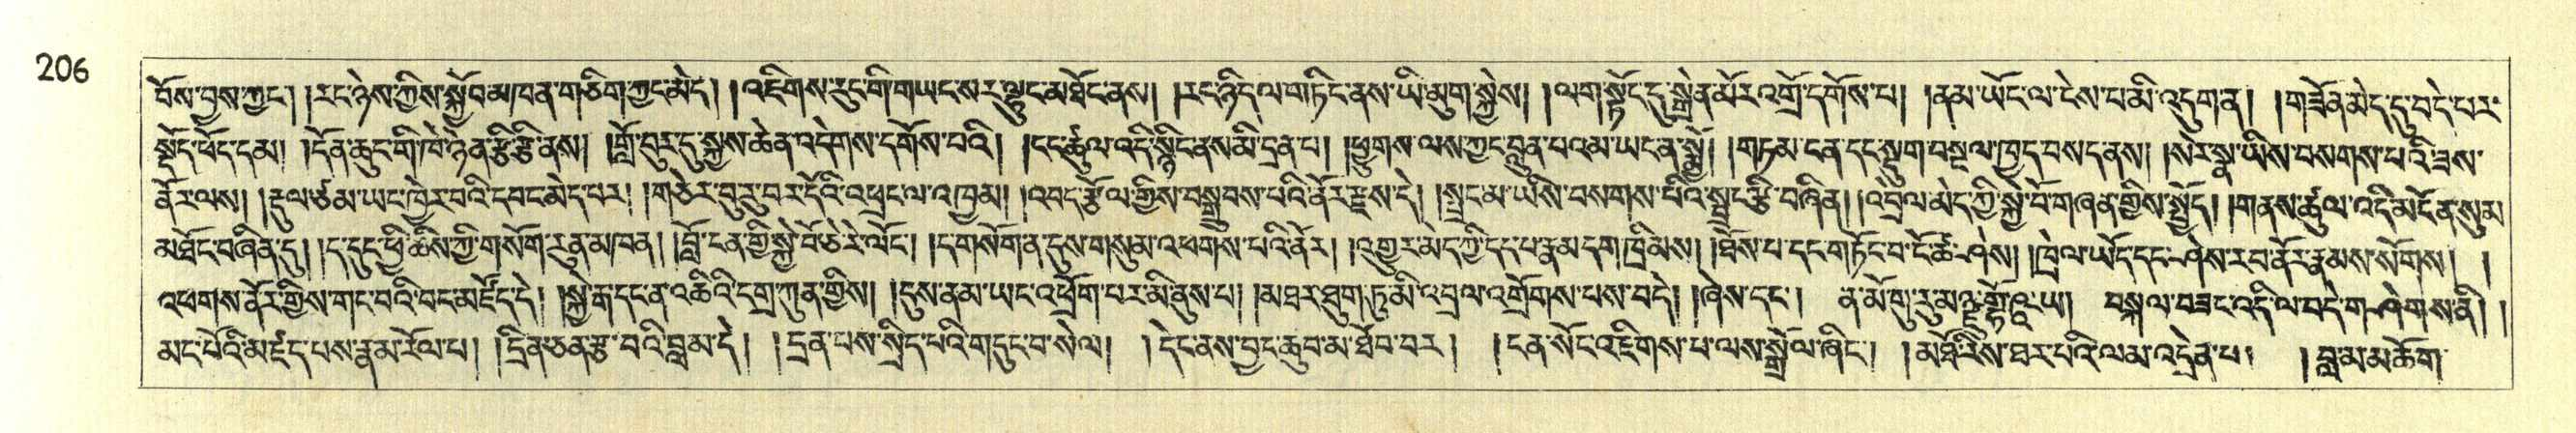བོས་བྱས་ཀྱང་། །རང་ཉེས་ཀྱིས་སྐྱོབ་མཁན་གཅིག་ཀྱང་མེད། །འཇིགས་རུང་གི་གཡང་སར་ལྷུང་མཐོང་ནས། །རང་ཉིད་ལ་གཏིང་ནས་ཡི་མུག་སྐྱེས། །ལག་སྟོང་དུ་སྒྲེན་མོར་འགྲོ་དགོས་པ། །ནམ་ཡོང་ལ་ངེས་པ་མི་འདུག་ན། །གཟོན་མེད་དུ་བདེ་པར་
སྡོད་ཕོད་དམ། །དོན་ཆུང་གི་ཁེ་ཉེན་རྩི་རྩི་ནས། །གློ་བུར་དུ་སྐྱས་ཆེན་འདེགས་དགོས་བའི། །དང་ཚུལ་འདི་སྙིང་ནས་མི་བྲན་པ། །ཕྱུགས་ལས་ཀྱང་བླུན་པའམ་ཡང་ན་སྨྱོ། །གཏམ་ངན་དང་སྡུག་བསྔལ་ཁྱད་བསད་ནས། །སེར་སྣ་ཡིས་བསགས་པའི་ཟས་
ནོར་ལས། །རྡུལ་ཙམ་ཡང་ཁྱེར་བའི་དབང་མེད་པར། །གཅེར་བུ་རུ་བར་དོའི་འཕྲང་ལ་འཁྱམ། །འབད་རྩོལ་གྱིས་བསྒྲུབས་པའི་ནོར་རྫས་དེ། །སྤྲང་མ་ཡིས་བསགས་པའི་སྦྲང་རྩི་བཞིན། །འབྲེལ་མེད་ཀྱི་སྐྱེ་བོ་གཞན་གྱིས་སྤྱོད། །གནས་ཚུལ་འདི་མངོན་སུམ་
མཐོང་བཞིན་དུ། །ད་དུང་ཕྱི་ཆིས་ཀྱི་གསོག་རུན་མཁན། །བློ་ངན་གྱི་སྐྱེ་བོ་ཅེ་རེ་ལོང་། །ད་གསོག་ན་དུས་གསུམ་འཕགས་པའི་ནོར། །འགྱུར་མེད་ཀྱི་དད་པ་རྣམ་དག་ཁྲིམས། །ཐོས་པ་དང་གཏོང་བ་ངོ་ཚ་ཤེས། །ཁྲེལ་ཡོད་དང་ཤེས་རབ་ནོར་རྣམས་སོགས། །
འཕགས་ནོར་གྱིས་གང་བའི་བང་མཛོད་དེ། །སྐྱེ་རྒ་དང་ན་འཆིའི་དགྲ་ཀུན་གྱིས། །དུས་ནམ་ཡང་འཕྲོག་པར་མི་ནུས་པ། །མཐར་ཐུག་ཏུ་མི་འབྲལ་འགྲོགས་པས་བདེ། །ཞེས་དང་། ན་མོ་གུ་རུ་མཉྫུ་གྷོ་ཥཱ་ཡ། བསྐལ་བཟང་འདི་ལ་བདེ་གཤེགས་ནི། །
མང་པོའི་མཛད་པས་རྣམ་རོལ་པ། །དྲིན་ཅན་རྩ་བའི་བླ་མ་དེ། །དྲན་པས་སྲིད་པའི་གདུང་བ་སེལ། །དེང་ནས་བྱང་ཆུབ་མ་ཐོབ་བར། །ངན་སོང་འཇིགས་པ་ལས་སྒྲོལ་ཞིང་། །མཐོ་རིས་ཐར་པའི་ལམ་འདྲེན་པ། །བླ་མ་མཆོག་